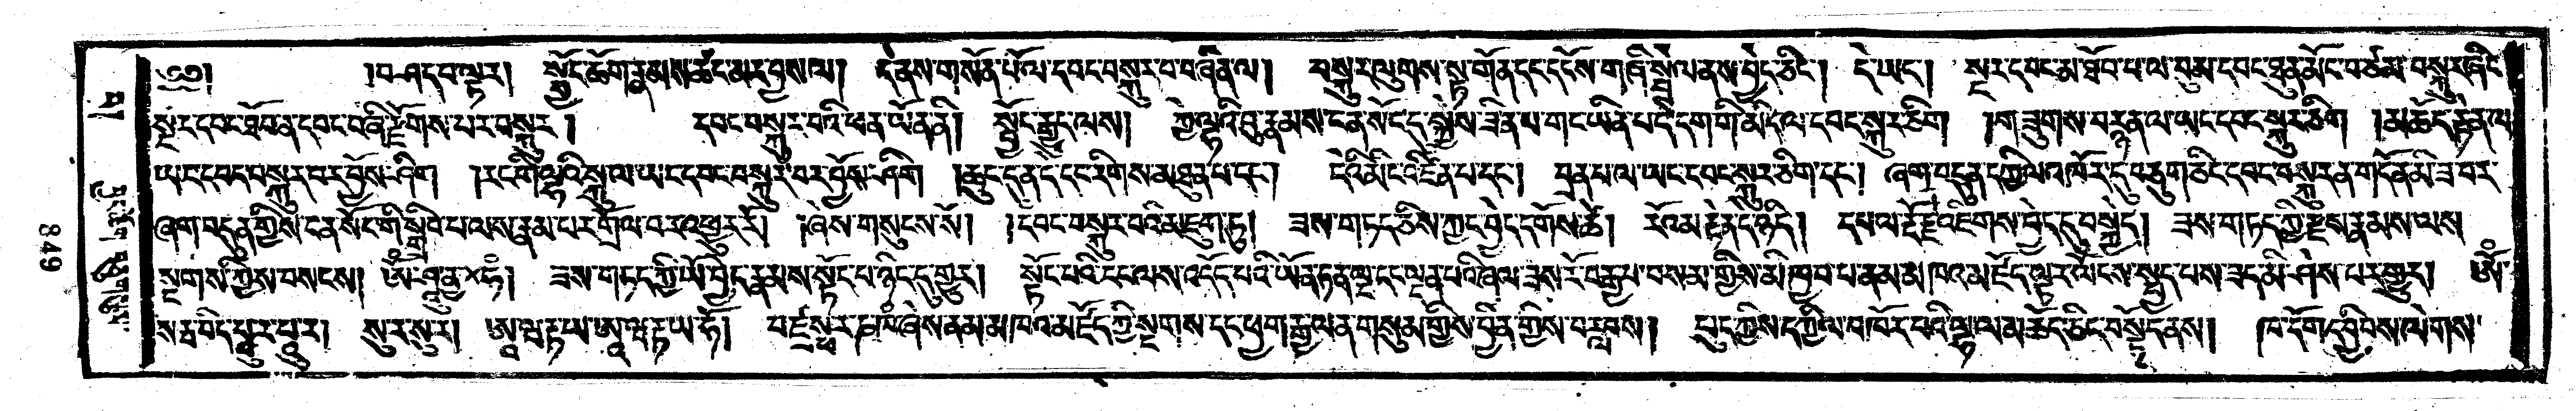༄༅། །བཤད་པ་ལྟར། སྦྱོང་ཆོག་རྣམས་ཚང་མར་བྱས་ལ། དེ་ནས་གསོན་པོ་ལ་དབང་བསྐུར་བ་བཞིན་ལ། བསྐུར་ལུགས་སྟ་གོན་དང་དངོས་གཞི་སྤྲེལ་ནས་བྱེད་ཅིང་། དེ་ཡང་། སྔར་དབང་མ་ཐོབ་པ་ལ་བུམ་དབང་ཐུན་མོང་བ་ཙམ་བསྐུར་ཞིང་
སྔར་དབང་ཐོབ་ན་དབང་བཞི་རྫོགས་པར་བསྐུར། དབང་བསྐུར་བའི་ཕན་ཡོན་ནི། སྦྱོང་རྒྱུད་ལས། ཀྱེ་ལྷའི་བུ་རྣམས་ངན་སོང་དུ་སྐྱེས་ཟིན་པ་གང་ཡིན་པ་དེ་དག་གི་མིང་ལ་དབང་བསྐུར་ཅིག །གཟུགས་བརྙན་ལ་ཡང་དབང་སྐུར་ཅིག །མཆོད་རྟེན་ལ་
ཡང་དབང་བསྐུར་བར་བྱོས་ཤིག །རང་གི་ལྷའི་སྐུ་ལ་ཡང་དབང་བསྐུར་བར་བྱོས་ཤིག །ཆུང་དུ་ན་དེ་དང་རིགས་མཐུན་པ་དང་། དེའི་མིང་འཛིན་པ་དང་། །བྲན་པ་ལ་ཡང་དབང་བསྐུར་ཅིག་དང་། ཞག་བདུན་དཀྱིལ་འཁོར་དུ་བཅུག་ཅིང་དབང་བསྐུར་ན། གདོན་མི་ཟ་བར་
ཞག་བདུན་གྱིས་ངན་སོང་གི་སྒྲིབ་པ་ལས་རྣམ་པར་གྲོལ་བར་འཕྱུར་རོ། །ཞེས་གསུངས་སོ། །དབང་བསྐུར་བའི་མཇུག་ཏུ། ཟས་གཏད་ཅིས་ཀྱང་བྱེད་དགོས་ཚེ། །རོའམ་རྟེན་དེ་ཉིད། དཔལ་རྡོ་རྗེ་འཇིགས་བྱེད་དུ་བསྐྱེད། །ཟས་གཏད་ཀྱི་རྫས་རྣམས་ལས་
སྔགས་ཀྱིས་བསངས། ཨོཾ་ཤཱུ་ཎྱ་྾་ཧཾ། ཟས་གཏད་ཀྱི་ཡོ་བྱེད་རྣམས་སྟོང་པ་ཉིད་དུ་གྱུར། སྟོང་པའི་ངང་ལས་འདོད་པའི་ཡོན་ཏན་ལྔ་དང་ལྡན་པའི་ཞལ་ཟས་རོ་བརྒྱས་བསམ་གྱིས་མི་ཁྱབ་པ་ནམ་མཁའ་མཛོད་ལྟར་ལོངས་སྤྱད་པས་ཟད་མི་ཤེས་པར་གྱུར། ཨོཾ་
སརྦ་བིད་པཱུ་ར་པཱུ་ར། སུ་ར་སུ་ར། ཨཱ་ཝརྟ་ཡ་ཨཱ་ཝརྟ་ཡ་ཧོ། བཛྲ་སྥ་ར་ཎ་ཁཾ་ཞེས་ནམ་མཁའ་མཛོད་ཀྱི་སྔགས་དང་ཕྱག་རྒྱལ་ན་གསུམ་གྱིས་བྱིན་གྱིས་བརླབས། པུད་ཀྱིས་དཀྱིལ་འཁོར་བའི་ལྷ་ལ་མཆོད་ཅིང་བསྟོད་ནས། ཁ་དོག་དབྱིབས་ལེགས་